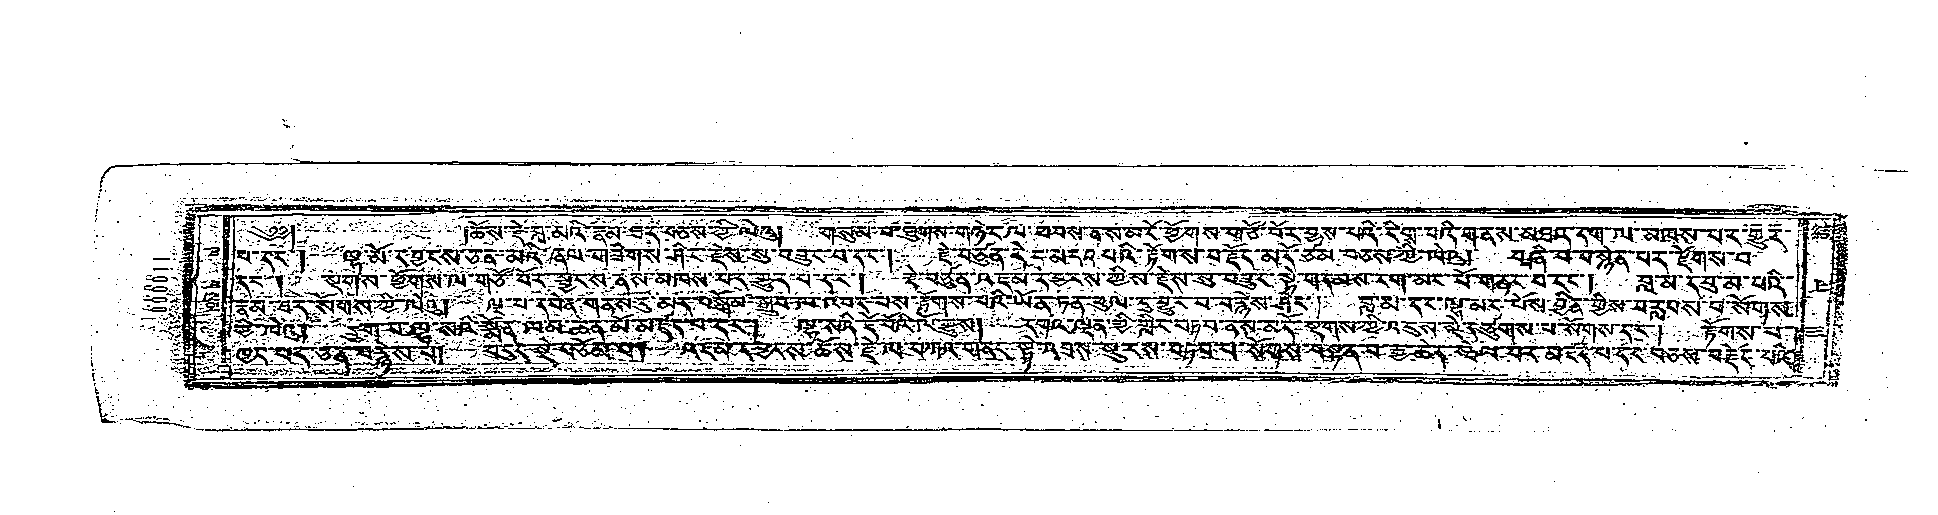༄༅། །ཆོས་རྗེ་བླ་མའི་རྣམ་ཐར་བཅས་ཀྱི་ལེའུ། གསུམ་པ་ཐུགས་གཉེད་ལ་ཕབས་ནས་མདོ་ཕྱོགས་གཙོ་བོར་བྱས་པའི་རིག་པའི་གནས་མཐའ་དག་ལ་མཁས་པར་གྱུར་
པ་དང་། ལྷ་མོ་དབྱངས་ཅན་མའི་ཞལ་གཟིགས་ཤིང་རྗེས་སུ་བཟུང་བ་དང་། རྗེ་བཙུན་དེང་མདའ་པའི་རྟོགས་བརྗོད་མདོ་ཙམ་བཅས་ཀྱི་ལེའུ། བཞི་པ་བསྙེན་པར་རྫོགས་པ་
དང་། སྔགས་ཕྱོགས་ལ་གཙོ་བོར་སྦྱངས་ནས་མཁས་པར་གྱུར་པ་དང་། རྗེ་བཙུན་འཇམ་དབྱངས་ཀྱིས་རྗེས་སུ་བཟུང་སྟེ་གདམས་ངག་མང་པོ་གནང་བ་དང་། བླ་མ་དབུ་མ་པའི་
རྣམ་ཐར་སོགས་ཀྱི་ལེའུ། ལྔ་པ་དབེན་གནས་དུ་མར་བསྒོམ་སྒྲུབ་ལ་འབར་པས་རྟོགས་པའི་ཡོན་ཏན་ཕུལ་དུ་བྱུང་བ་བརྙེས་ཤིང་། བླ་མ་དང་ལྷ་མང་པོས་བྱིན་གྱིས་བརླབས་པ་སོགས་
ཀྱི་ཁྱེའུ། དྲུག་པ་ལྷ་སའི་སྨོན་ལམ་ཆེན་མོ་མཛད་པ་དང་། ལྷ་སའི་ཇོ་བོའི་ལོ་རྒྱུས། དགའ་ལྡན་གྱི་གླིང་བཏབ་ནས་མདོ་སྔགས་ཀྱི་འདུས་སྡེ་བཙུགས་པ་སོགས་དང་། རྟོགས་པ་
ཁྱད་པར་ཅན་བརྙེས་པ། བདུད་སྡེ་བཅོམ་པ། འཇམ་དབྱངས་ཆོས་རྗེ་ལ་བཀའ་གནང་སྟེ་འབྲས་སྤུངས་བཏབ་བ་སོགས་བསྟན་པ་རྒྱ་ཆེར་སྤེལ་བར་མཛད་པ་དང་བཅས་བརྗོད་པའི་